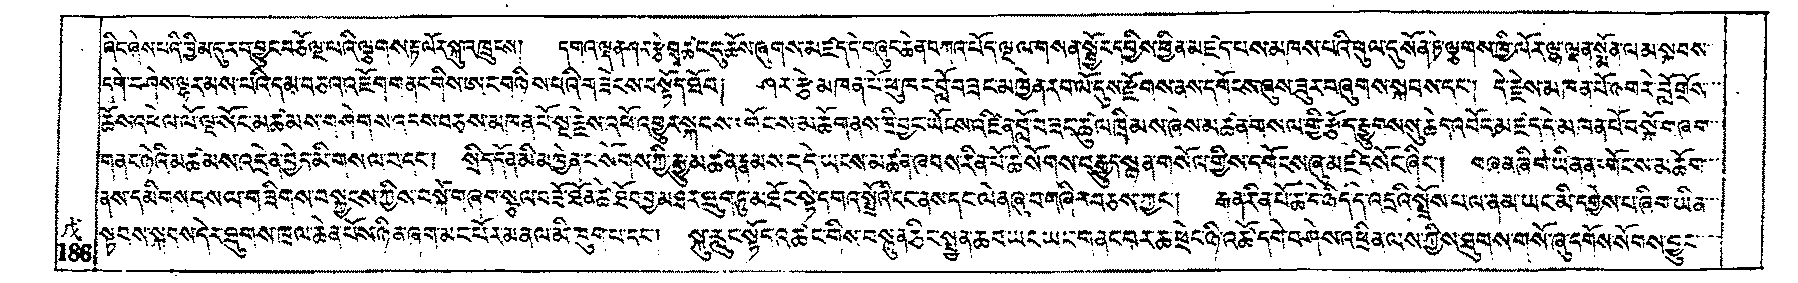ཞིང་ཞེས་པའི་ཁྱིམ་དུ་རབ་བྱུང་བཅོ་ལྔ་པའི་ལྕགས་རྟ་ལོར་སྐུ་འཁྲུངས། དགའ་ལྡན་ཤར་རྩེ་གྲྭ་ཚང་དུ་ཆོས་ཞུགས་མཛད་དེ་གཞུང་ཆེན་བཀའ་པོད་ལྔ་ལ་གསན་སྦྱོང་དཔྱིས་ཕྱིན་མཛད་པས་མཁས་པའི་ཕུལ་དུ་སོན་ཏེ་ལྕགས་ཁྱི་ལོར་ལྷ་ལྡན་སྨོན་ལམ་སྐབས་
དགེ་བཤེས་ལྷ་རམས་པའི་དམ་བཅའ་འཇོག་གནང་གིས་ཨང་གཉིས་པའི་གཟེངས་བསྟོད་ཐོབ། ཤར་རྩེ་མཁན་པོ་ཕུ་ཁང་བློ་བཟང་མཁྱེན་རབ་ལོ་དུས་རྫོགས་ནས་དགོངས་ཞུས་ཟུར་བཞུགས་སྐབས་དང་། དེ་རྗེས་མཁན་པོ་ཉག་རེ་བློ་གྲོས་
ཆོས་འཕེལ་ལོ་ལྔ་སོང་མཚམས་གཤེགས་འདས་བཅས་མཁན་པོ་སྔ་རྗེས་འཕོ་འགྱུར་སྐབས་༧གོང་ས་མཆོག་ནས་ཁྲི་བྱང་ཡོངས་འཛིན་བློ་བཟང་ཚུལ་ཁྲིམས་ཞེས་མཚན་གསལ་གྱི་རྩོད་རྒྱུགས་སུ་ཆེད་འབོད་མཛད་དེ་མཁན་པོ་བསྐོ་གཞག་
གནང་ཉེའི་མཚམས་འདྲེན་བྱེད་མི་གསལ་བ་དང་། སྲིད་དོན་མི་མཁྱེན་པ་སོགས་ཀྱི་རྒྱུ་མཚན་རྣམས་བདེ་ཡངས་མཚན་ཞབས་རིན་པོ་ཆེ་སོགས་བརྒྱུད་སྙན་གསོལ་གྱིས་དགོངས་ཞུ་མཛད་སོང་ཞིང་། གཞན་ཞིག་ཡིན་ན་༧གོང་ས་མཆོག་
ནས་དམིགས་བསལ་གཟིགས་བསྐྱངས་ཀྱིས་བསྐོ་བཞག་སྩལ་བཟོ་ཐོན་ཚེ་ཐོབ་བྱ་མཐར་ཐུག་ཏུ་མཐོང་སྟེ་དགའ་སྤྲོའི་ངང་ནས་དང་ལེན་ཞུ་བ་གཞིར་བཅས་ཀྱང་། རྒན་རིན་པོ་ཆེ་དེ་ཉིད་དེ་འདྲའི་སྤྲོས་པ་ལ་ནམ་ཡང་མི་དགྱེས་པ་ཞིག་ཡིན་
སྟབས་སྐབས་དེར་ཐུགས་ཁྲལ་ཆེན་པོས་ཉིན་ཞག་མང་པོར་མནལ་མི་ཁུག་པ་དང་། སྐུ་རླུང་སྟོད་འཚང་གིས་བསྙུན་ཅིང་སྤྱན་ཆབ་ཡང་ཡང་གནང་བར་ཆ་ཕྲེང་ཉི་འཚོ་དགེ་བཤེས་འཕྲིན་ལས་ཀྱིས་ཐུགས་གསོ་ཞུ་དགོས་སོགས་བྱུང་